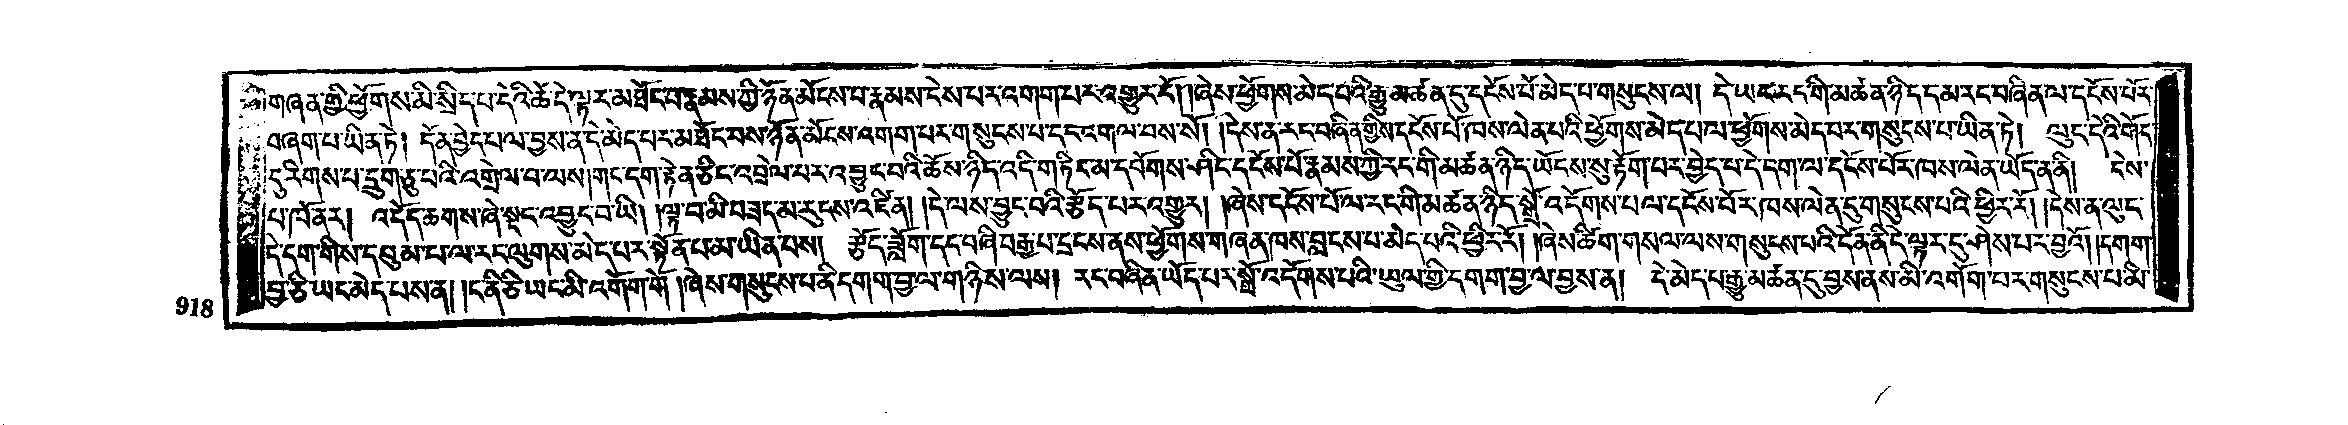གཞན་གྱི་ཕྱོགས་མི་སྲིད་པ་དེའི་ཚེ་དེ་ལྟར་མཐོང་བ་རྣམས་ཀྱི་ཉོན་མོངས་པ་རྣམས་ངེས་པར་འགག་པར་འགྱུར་རོ། །ཞེས་ཕྱོགས་མེད་པའི་རྒྱུ་མཚན་དུ་དངོས་པོ་མེད་པ་གསུངས་ལ། དེ་ཡང་རང་གི་མཚན་ཉིད་དམ་རང་བཞིན་ལ་དངོས་པོར་
བཞག་པ་ཡིན་ཏེ། དོན་བྱེད་པ་ལ་བྱས་ན་དེ་མེད་པར་མཐོང་བས་ཉོན་མོངས་འགག་པར་གསུངས་པ་དང་འགལ་བས་སོ། །དེས་ན་རང་བཞིན་གྱིས་དངོས་པོ་ཁས་ལེན་པའི་ཕྱོགས་མེད་པ་ལ་ཕྱོགས་མེད་པར་གསུངས་པ་ཡིན་ཏེ། ལུང་དེའི་གོང་
དུ་རིགས་པ་དྲུག་ཅུ་པའི་འགྲེལ་པ་ལས། གང་དག་རྟེན་ཅིང་འབྲེལ་པར་འབྱུང་བའི་ཆོས་ཉིད་འདི་གཏིང་མ་དཔོགས་ཤིང་དངོས་པོ་རྣམས་ཀྱི་རང་གི་མཚན་ཉིད་ཡོངས་སུ་རྟོག་པར་བྱེད་པ་དེ་དག་ལ་དངོས་པོར་ཁས་ལེན་ཡོད་ན་ནི། ངེས་
པ་ཁོ་ནར། འདོད་ཆགས་ཞེ་སྡང་འབྱུང་བ་ཡི། །ལྟ་བ་མི་བཟད་མ་རུངས་འཛིན། །དེ་ལས་བྱུང་བའི་རྩོད་པར་འགྱུར། །ཞེས་དངོས་པོ་ལ་རང་གི་མཚན་ཉིད་སྒྲོ་འདོགས་པ་ལ་དངོས་པོར་ཁས་ལེན་དུ་གསུངས་པའི་ཕྱིར་རོ། །དེས་ན་ལུང་
དེ་དག་གིས་དབུ་མ་པ་ལ་རང་ལུགས་མེད་པར་སྟོན་པ་མ་ཡིན་པས། རྩོད་ཟློག་དང་བཞི་བརྒྱ་པ་དྲངས་ནས་ཕྱོགས་གཞན་ཁས་བླངས་པ་མེད་པའི་ཕྱིར་རོ། །ཞེས་ཚིག་གསལ་ལས་གསུངས་པའི་དོན་ནི་དེ་ལྟར་དུ་ཤེས་པར་བྱའོ། །དགག་
བྱ་ཅི་ཡང་མེད་པས་ན། །ང་ནི་ཅི་ཡང་མི་འགོག་གོ། །ཞེས་གསུངས་པ་ནི་དགག་བྱ་ལ་གཉིས་ལས། རང་བཞིན་ཡོད་པར་སྒྲོ་འདོགས་པའི་ཡུལ་གྱི་དགག་བྱ་ལ་བྱས་ན། དེ་མེད་པ་རྒྱུ་མཚན་དུ་བྱས་ནས་མི་འགོག་པར་གསུངས་པ་མི་